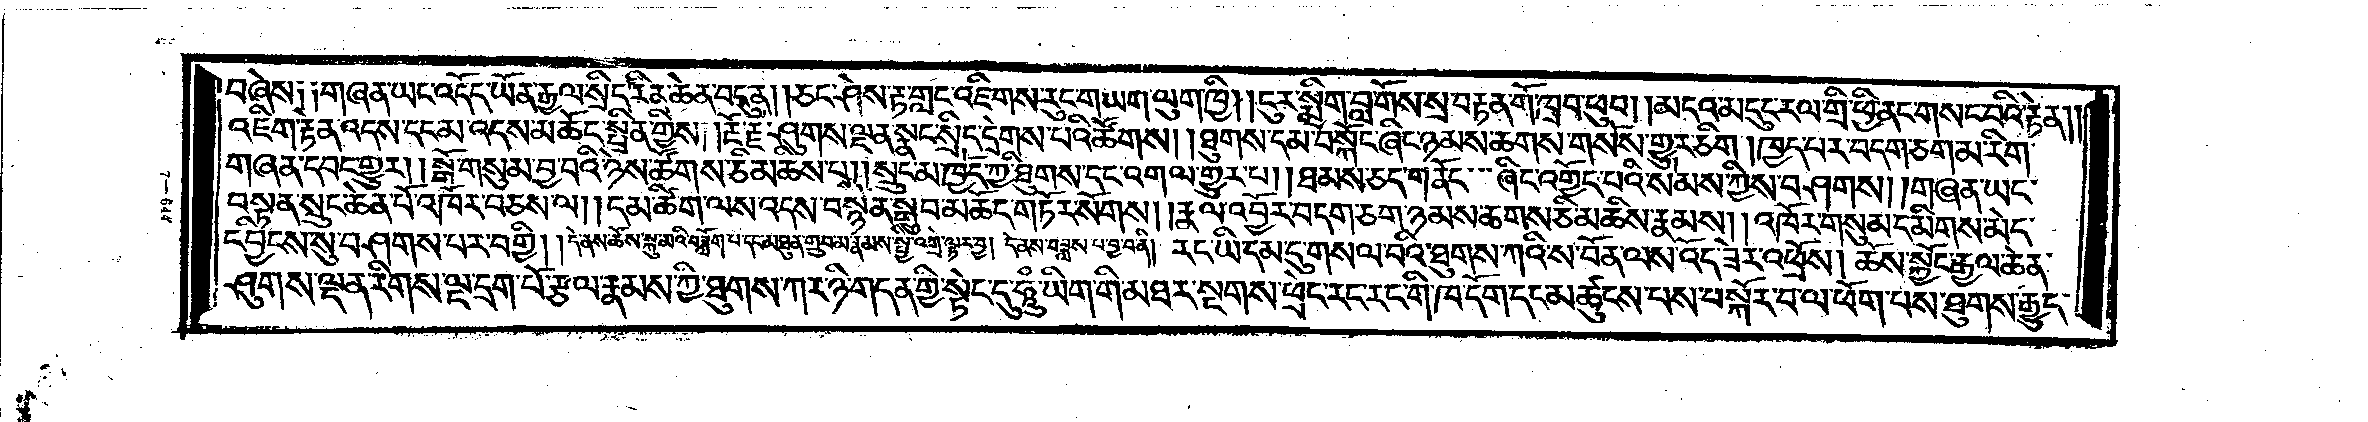བཞེས། །གཞན་ཡང་འདོད་ཡོན་རྒྱལ་སྲིད་རིན་ཆེན་བདུན། །ཅང་ཤེས་རྟ་གླང་འཇིགས་རུང་གཡག་ལུག་ཁྱི། །དུར་སྨྲིག་བླ་གོས་སྲ་བརྟན་གོ་ཁྲབ་ཕུབ། །མདའ་མདུང་རལ་གྲི་ཕྱི་ནང་གསང་བའི་རྟེན།།
འཇིག་རྟེན་འདས་དང་མ་འདས་མཆོད་སྤྲིན་གྱིས། །རྡོ་རྗེ་ཤུགས་ལྡན་སྣང་སྲིད་དྲེགས་པའི་ཚོགས། །ཐུགས་དམ་བསྐང་ཞིང་ཉམས་ཆགས་གསོས་གྱུར་ཅིག །ཁྱད་པར་བདག་ཅག་མ་རིག་
གཞན་དབང་གྱུར། །སྒོ་གསུམ་བྱ་བའི་ཉེས་ཚོགས་ཅི་མཆིས་པ། །སྲུང་མ་ཁྱེད་ཀྱི་ཐུགས་དང་འགལ་གྱུར་པ། །ཐམས་ཅད་གནོད་ཞིང་འགྱོད་པའི་སེམས་ཀྱིས་བཤགས། །གཞན་ཡང་
བསྟན་སྲུང་ཆེན་པོ་འཁོར་བཅས་ལ། །དམ་ཚིག་ལས་འདས་བསྙེན་སྒྲུབ་མཆོད་གཏོར་སོགས། །རྣལ་འབྱོར་བདག་ཅག་ཉམས་ཆགས་ཅི་མཆིས་རྣམས། །འཁོར་གསུམ་དམིགས་མེད་
དབྱིངས་སུ་བཤགས་པར་བགྱི། །དེ་ནས་ཆོས་སྐུ་མའི་བཟློག་པ་དང་མཐུན་གྲུབ་མ་རྣམས་སྤྱི་འགྲེ་ལྟར་བྱ། དེ་ནས་བཟླས་པ་བྱ་བ་ནི།  རང་ཡི་དམ་དུ་གསལ་བའི་ཐུགས་ཀའི་ས་བོན་ལས་འོད་ཟེར་འཕྲོས། ཆོས་སྐྱོང་རྒྱལ་ཆེན་
ཤུགས་ལྡན་རིགས་ལྔ་དྲག་པོ་རྩལ་རྣམས་ཀྱི་ཐུགས་ཀར་ཉི་གདན་གྱི་སྟེང་དུ་ཧཱུཾ་ཡིག་གི་མཐར་སྔགས་ཕྲེང་རང་རང་གི་ཁ་དོག་དང་མཚུངས་པས་བསྐོར་བ་ལ་ཕོག་པས་ཐུགས་རྒྱུད་